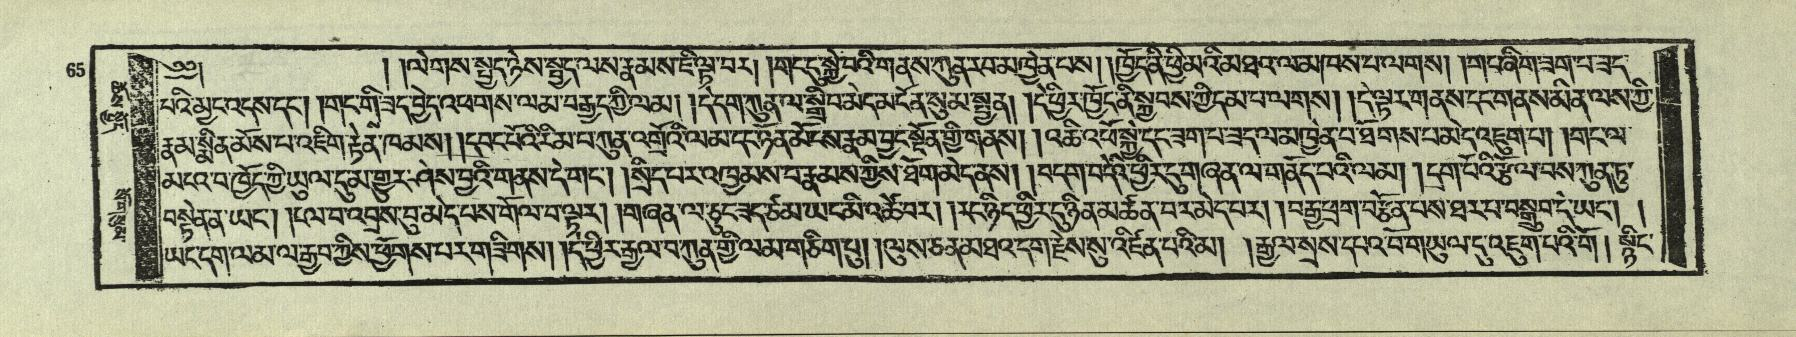༄༅། ། །ལེགས་སྤྱད་ཉེས་སྦྱད་ལས་རྣམས་ཇི་ལྟ་བར། །གང་དུ་སྐྱེ་བའི་གནས་ཀུན་རབ་མཁྱེན་པས། །ཁྱོད་ནི་ཕྱི་མའི་མཐའ་ལ་མཁས་པ་ལགས། །གང་ཞིག་ཟག་པ་ཟད་
པའི་མྱང་འདས་དང་།གང་གིས་ཟད་བྱེད་འཕགས་ལམ་བརྒྱད་ཀྱི་ལམ། །དེ་དག་ཀུན་ལ་སྒྲིབ་མེད་མངོན་སུམ་སྤྱན། །དེ་ཕྱིར་ཁྱོད་ནི་སྐྱབས་ཀྱི་དམ་པ་ལགས། །དེ་ལྟར་གནས་དང་གནས་མིན་ལས་ཀྱི་
རྣམ་སྨིན་མོས་པ་འཇིག་རྟེན་ཁམས། །དབང་པོའི་རིམ་པ་ཀུན་འགྲོའི་ལམ་དང་ཉོན་མོངས་རྣམ་བྱང་སྔོན་གྱི་གནས། །འཆི་འཕོ་སྐྱེ་དང་ཟག་པ་ཟད་ལ་མཁྱེན་པ་ཐོགས་པ་མེད་འཇུག་པ། །གང་ལ་
མངའ་བ་ཁྱོད་ཀྱི་ཡུལ་དུ་མ་གྱུར་ཤེས་བྱའི་གནས་དེ་གང་། །སྲིད་པར་འཁྱམས་པ་རྣམས་ཀྱིས་ཐོག་མེད་ནས། །བདག་བདེའི་ཕྱིར་དུ་གཞན་ལ་གནོད་པའི་ལམ། །དྲག་པོའི་རྩོལ་བས་ཀུན་ཏུ་
བསྟེན་ན་ཡང་། །ངལ་བ་འབྲས་བུ་མེད་པས་གོལ་བ་ལྟར། །གཞན་ལ་ཅུང་ཟད་ཙམ་ཡང་མི་འཚེ་བར། །རང་ཉིད་ཕྱིར་དུ་ཉིན་མཚན་བར་མེད་པར། །བརྒྱ་ཕྲག་བརྩོན་པས་ཐར་པ་བསྒྲུབ་དེ་ཡང་། །
ཡང་དག་ལམ་ལ་རྒྱབ་ཀྱིས་ཕྱོགས་པར་གཟིགས། །དེ་ཕྱིར་རྒྱལ་བ་ཀུན་གྱི་ལམ་གཅིག་པུ། །ལུས་ཅན་མཐའ་དག་རྗེས་སུ་འཛིན་པའི་མ། །རྒྱལ་སྲས་དཔའ་བོ་གཡུལ་དུ་འཇུག་པའི་གོ །སྙིང་